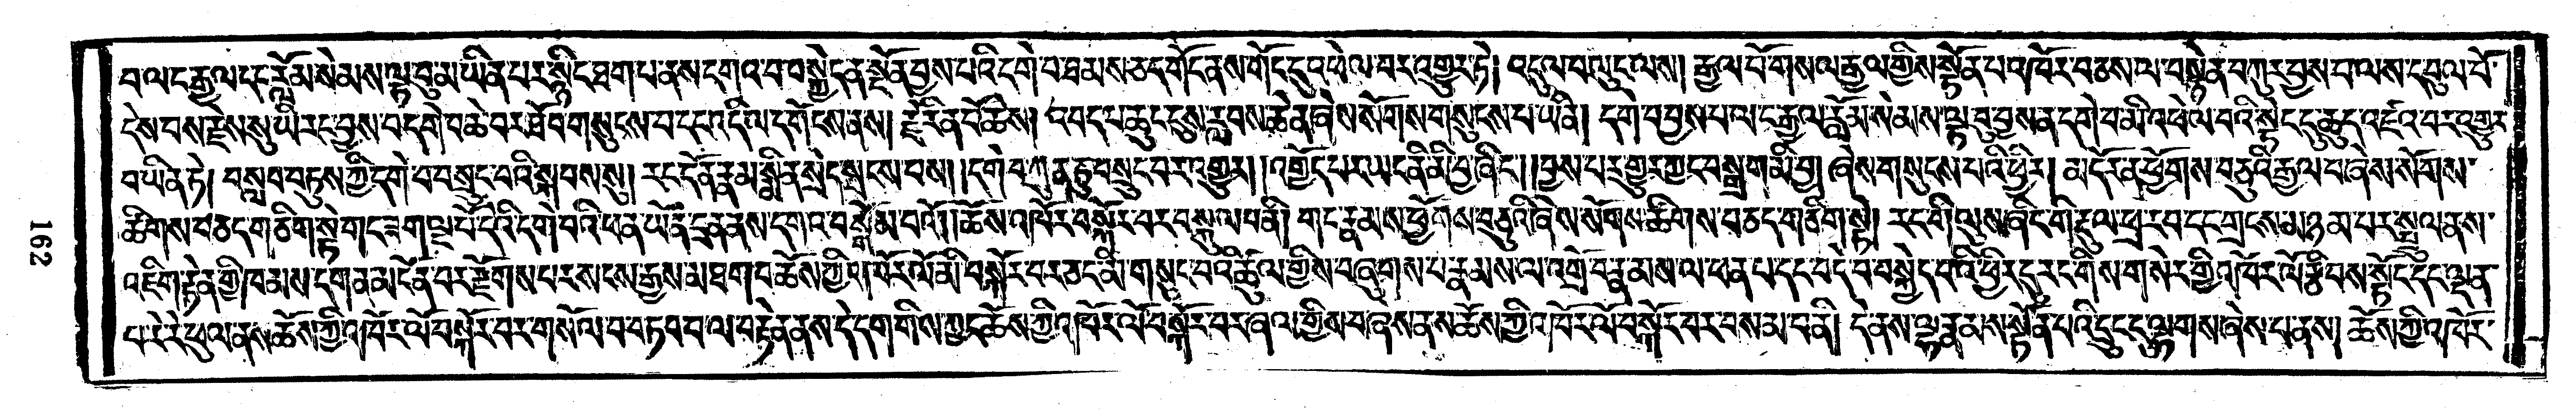བ་ལང་རྒྱལ་དང་རློམ་སེམས་ལྟ་བུ་མ་ཡིན་པར་སྙིང་ཐག་པ་ནས་དགའ་བ་བསྐྱེད་ན་སྔོན་བྱས་པའི་དགེ་བ་ཐམས་ཅད་གོང་ནས་གོང་དུ་འཕེལ་བར་འགྱུར་ཏེ། འདུལ་བ་ལུང་ལས། རྒྱལ་པོ་གསལ་རྒྱལ་གྱིས་སྟོན་པ་འཁོར་བཅས་ལ་བསྙེན་བཀུར་བྱས་བ་ལས་དབུལ་པོ་
དེས་བས་རྗེས་སུ་ཡི་རང་བྱས་བདག་བ་ཆེ་བར་ཐོབ་གསུངས་པ་དང་འདི་ལ་དགོངས་ནས། རྗེ་རིན་པོ་ཆེས། འབད་པ་ཆུང་དུས་རླབས་ཆེན་ཞེས་སོགས་གསུངས་པ་ཡིན། དགེ་བ་བྱས་པ་ལ་ང་རྒྱལ་རློམ་སེམས་ལྟ་བུ་བྱས་ན་དགེ་བ་མི་འཕེལ་བའི་སྟེང་དུ་ཆུད་འཛའ་བར་འགྱུར་
བ་ཡིན་ཏེ། བསླབ་བཏུས་ཀྱི་དགེ་བ་བསྲུང་བའི་སྐབས་སུ། རང་དོན་རྣམ་སྨིན་སྲེད་སྤངས་བས། །དགེ་བ་ཀུན་ཏུ་བསྲུང་བར་འགྱུར། །འགྱོད་པར་ཡང་ནི་མི་བྱ་ཞིང་། །བྱས་པར་གྱུར་ཀྱང་བསྒྲག་མི་བྱ། ཞེས་གསུངས་པའི་ཕྱིར། མདོར་ན་ཕྱོགས་བཅུའི་རྒྱལ་པ་ཞེས་སོགས་
ཚིགས་བཅད་གཅིག་སྟེ་གང་ཟག་ལྔ་པོ་དེའི་དགེ་བའི་ཕན་ཡོན་དྲན་ནས་དགའ་བསྒོམ་པའོ། །ཆོས་འཁོར་བསྐོར་བར་བསྐུལ་བ་ནི། གང་རྣམས་ཕྱོགས་བཅུའི་ཞེས་སོགས་ཚིགས་བཅད་གཅིག་སྟེ། རང་གི་ལུས་ཞིང་གི་རྡུལ་ཕྲ་རབ་དང་གྲངས་མཉམ་པར་སྤྲུལ་ནས་
འཇིག་རྟེན་གྱི་ཁམས་དགན་མངོན་པར་རྫོགས་པར་སངས་རྒྱས་མ་ཐག་པ་ཆོས་ཀྱི་འཁོར་ལོ་མི་བསྐོར་བར་ཅང་མི་གསུང་བའི་ཚུལ་གྱིས་བཞུགས་པ་རྣམས་ལ་འགྲོ་བ་རྣམས་ལ་ཕན་པ་དང་བདེ་བ་བསྐྱེད་པའི་ཕྱིར་དུ་རང་གིས་གསེར་གྱི་འཁོར་ལོ་རྩིབས་སྟོང་དང་ལྡན་
པ་རེ་རེ་ཕུལ་ནས་ཆོས་ཀྱི་འཁོར་ལོ་བསྐོར་བར་གསོལ་བ་བཏབ་བ་ལ་བརྟེན་ནས་དེ་དག་གིས་ཀྱང་ཆོས་ཀྱི་འཁོར་ལོ་བསྐོར་བར་ཞལ་གྱིས་བཞེས་ནས་ཆོས་ཀྱི་འཁོར་ལོ་བསྐོར་བར་བསམ་པ་ནི། དེ་ནས་ལྷ་རྣམས་སྟོན་པའི་དྲུང་དུ་ལྷགས་ཞེས་པ་ནས། ཆོས་ཀྱི་འཁོར་